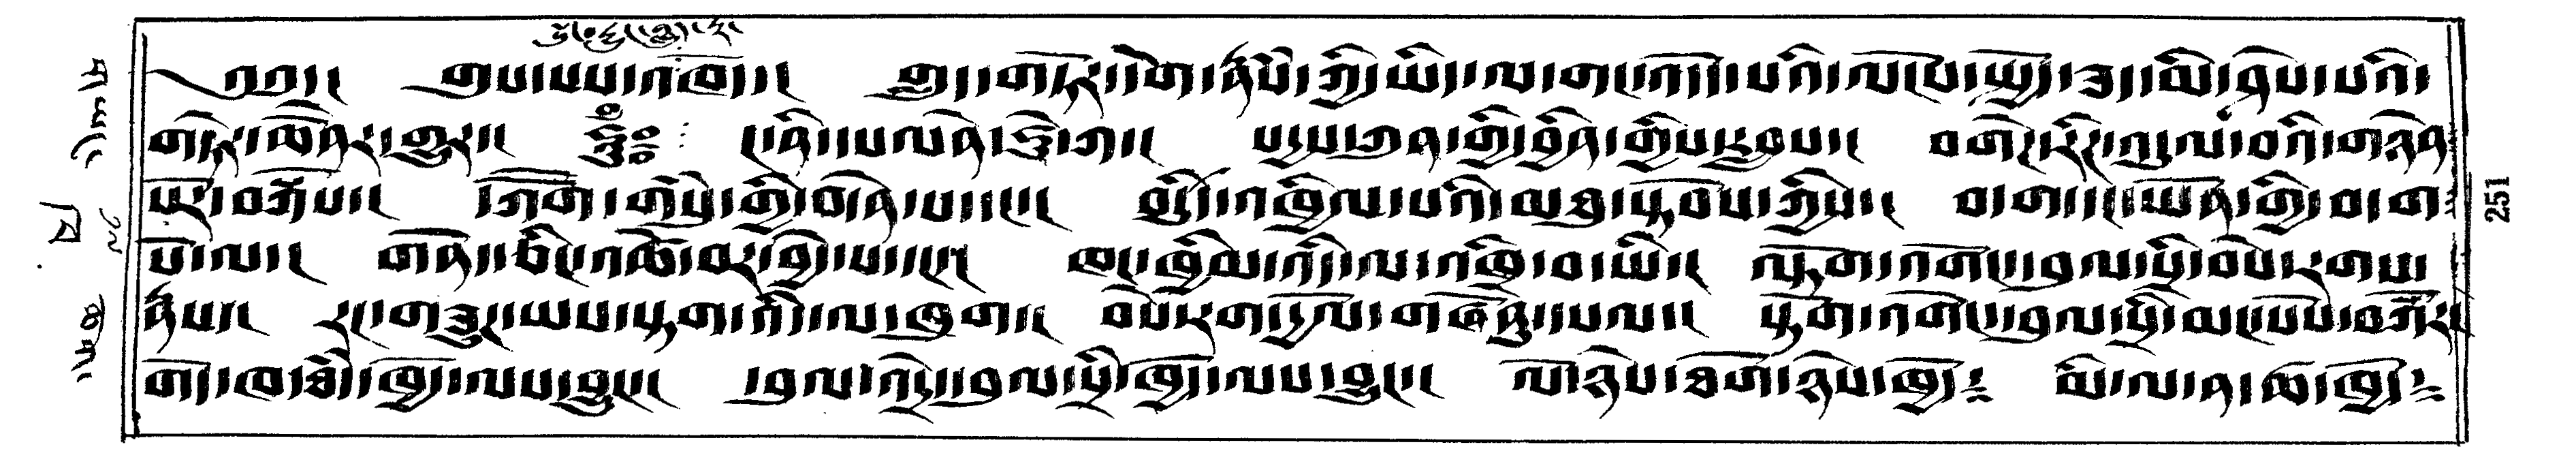གུས་པས་འཁོེད། གླུད་གཏོར་དེ་དག་རྣམས་ཀྱི་ཡིད་ལ་གང་འདོད་པའི་ལོངས་སྤྱོད་ཟད་མི་ཤེས་པའི་
གཏེར་ཆེན་པོར་གྱུར། ཧཱུྃ༔ ང་ནི་དཔལ་ཆེན་ཧེ་རུ་ཀཿ སངས་རྒྱས་ཀུན་ཀྱི་བྱིན་གྱིས་བརླབས། །བགེགས་རིགས་འདུལ་བའི་གཉེན་
པོར་བསྐོས། །དཀོན་མཆོག་གསུམ་གྱི་བདེན་པ་དང་། །བདུད་རྩི་འཁྱིལ་པའི་མཐུ་སྟོབས་ཀྱིས། །བདག་དང་ཡོན་གྱི་བདག་
པོ་ལ། །གནོད་ཅིང་འཚེ་བར་བྱེད་པ་དང་། །ཁང་ཁྱིམ་འདི་ལ་འཁྲི་བ་ཡི། །ལྟོག་འགོང་དབུལ་སྲི་བསེ་རགས་
རྣམས། །རང་གཟུགས་ཡས་སྟག་འདི་ལ་ཁུག།བསེ་རག་རྒྱལ་པོ་གཞོན་ནུ་དཔལ། །ལྟོག་འགོང་དབུལ་སྲི་མང་པོས་བསྐོར། །
གོད་ཁ་ཐམས་ཅད་ཁྱོད་ལས་བྱུང་། །དབུལ་འདྲེད་བུལ་སྲི་ཁྱོད་ལས་བྱུང་། །ལོ་ཉེས་ཐོག་ཉེས་ཁྱོད༴ མི་ལ་ན་ཚ་ཁྱོད༴